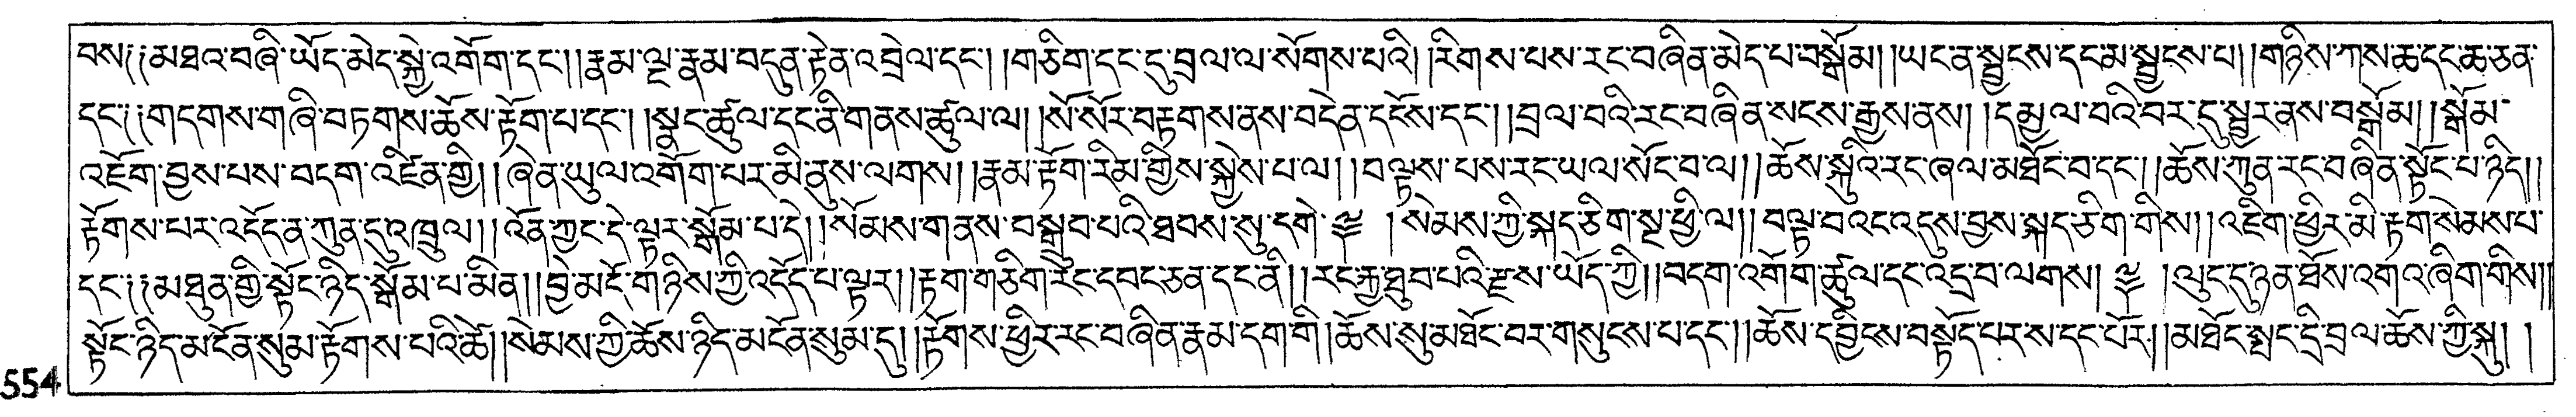བས༑ ༑མཐའ་བཞི་ཡོད་མེད་སྐྱེ་འགོག་དང་། །རྣམ་ལྔ་རྣམ་བདུན་རྟེན་འབྲེལ་དང་། །གཅིག་དང་དུ་བྲལ་ལ་སོགས་པའི། །རིགས་པས་རང་བཞིན་མེད་པ་བསྒོམ། །ཡང་ན་སྦྱངས་དང་མ་སྦྱངས་པ། །གཉིས་ཀས་ཆ་དང་ཆ་ཅ་
དང༑། །གདགས་གཞི་བཏགས་ཆོས་རྟོག་པ་དང་། །སྣང་ཚུལ་དང་གནས་ཚུལ་ལ། །སོ་སོར་བརྟགས་ནས་བདེན་དངོས་དང་། །བྲལ་བའི་བའི་རང་བཞིན་སངས་རྒྱས་ནས། །དམྱལ་བའི་བར་དུ་སྦྱར་ནས་བསྒོམ། །སྒོམ་
འཇོག་བྱས་པས་བདག་འཛིན་གྱི། །ཞེན་ཡུལ་འགོག་པར་མི་ནུས་ལགས། །རྣམ་རྟོག་རིམ་གྱིས་སྐྱེས་པ་ལ། །བལྟས་པས་རང་ཡལ་སོང་བ་ལ། །ཆོས་སྐུའི་རང་ཞལ་མཐོང་བ་དང་། །ཆོས་ཀུན་རང་བཞིན་སྟོང་པ་ཉིད། །
རྟོགས་པར་འདོད་ན་ཀུན་དུ་འཁྲུལ། །འོན་ཀྱང་དེ་ལྟར་སྒོམ་པ་དེ། །སོམས་གནས་བསྒྲུབ་པའི་ཐབས་སུ་དགེ ༈ །སེམས་ཀྱི་སྐད་ཅིག་སྔ་ཕྱི་ལ། །བལྟ་བའང་འདུས་བྱས་སྐད་ཅིག་གིས། །འཇིག་ཕྱིར་མི་རྟག་སེམས་པ་
དང༑ ༑མཐུན་གྱི་སྟོང་ཉིད་སྒོམ་པ་མིན། །བྱེ་མདོ་གཉིས་ཀྱི་འདོད་པ་ལྟར། །རྟག་གཅིག་རང་དབང་ཅན་དང་ནི། །རང་རྐྱ་ཐུབ་པའི་རྫས་ཡོད་ཀྱི། །བདག་འགོག་ཚུལ་དང་འདྲ་བ་ལགས། ༈ །ལུང་དུ་ཉན་ཐོས་འགའ་ཞིག་གིས། །
སྟོང་ཉིད་མངོན་སུམ་རྟོགས་པའི་ཚེ། །སེམས་ཀྱི་ཆོས་ཉིད་མངོན་སུམ་དུ། །རྟོགས་ཕྱིར་རང་བཞིན་རྣམ་དག་གི །ཆོས་སུ་མཐོང་བར་གསུངས་པ་དང་། །ཆོས་དབྱིངས་བསྟོད་པར་ས་དང་པོར། །མཐོང་སྤང་དྲི་བྲལ་ཆོས་ཀྱི་སྐུ། །